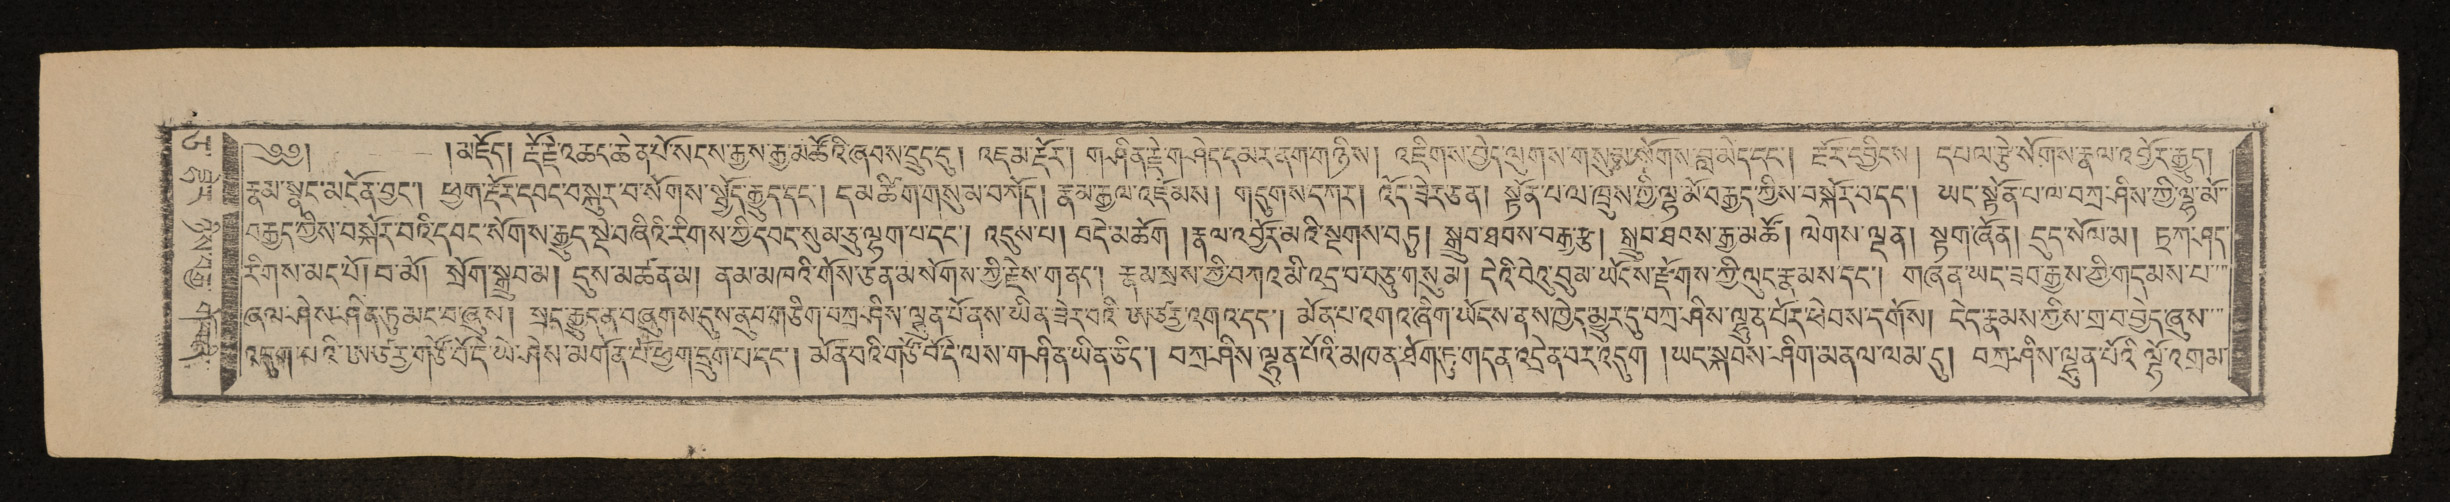༄༅། །མཛོད། རྡོ་རྗེ་འཆང་ཆེན་པོ་སངས་རྒྱས་རྒྱ་མཚོའི་ཞབས་དྲུང་དུ། འཇམ་རྡོར། གཤིན་རྗེ་གཤེད་དམར་ནག་གཉིས། འཇིགས་བྱེད་ལུགས་གསུམ་སོགས་བླ་མེད་དང་། རྡོར་དབྱིངས། དཔལ་རྩེ་སོགས་རྣལ་འབྱོར་རྒྱུད།
རྣམ་སྣང་མངོན་བྱང་། ཕྱག་རྡོར་དབང་བསྐུར་བ་སོགས་སྤྱོད་རྒྱུད་དང་། དམ་ཚིག་གསུམ་བཀོད། རྣམ་རྒྱལ་འཇོམས། གདུགས་དཀར། འོད་ཟེར་ཅན། སྟོན་པ་ལ་ཁྲུས་ཀྱི་ལྷ་མོ་བརྒྱད་ཀྱིས་བསྐོར་བ་དང་། ཡང་སྟོན་པ་ལ་བཀྲ་ཤིས་ཀྱི་ལྷ་མོ་
བརྒྱད་ཀྱིས་བསྐོར་བའི་དབང་སོགས་རྒྱུད་སྡེ་བཞིའི་རིགས་ཀྱི་དབང་སུམ་ཅུ་ལྷག་པ་དང་། འདུས་པ། བདེ་མཆོག །རྣལ་འབྱོར་མའི་སྔགས་བཏུ། སྒྲུབ་ཐབས་བརྒྱ་རྩ། སྒྲུབ་ཐབས་རྒྱ་མཚོ། ལེགས་ལྡན། སྟག་ཞོན། དུད་སོལ་མ། ཏྲཀ་ཤད་
རིགས་མང་པོ། བ་མོ། སྲོག་སྒྲུབ་མ། དུས་མཚན་མ། ནམ་མཁའི་གོས་ཅན་མ་སོགས་ཀྱི་རྗེས་གནང་། རྣམ་སྲས་ཀྱི་བཀའ་མི་འདྲ་བ་བཅུ་གསུམ། དེའི་བེའུ་བུམ་ཡོངས་རྫོགས་ཀྱི་ལུང་རྣམས་དང་། གཞན་ཡང་ཟབ་རྒྱས་ཀྱི་གདམས་པ་
ཞལ་ཤེས་ཤིན་ཏུ་མང་བ་ཞུས། སྲད་རྒྱུད་ན་བཞུགས་དུས་ནུབ་གཅིག་བཀྲ་ཤིས་ལྷུན་པོ་ནས་ཡིན་ཟེར་པའི་ཨཙརྱ་འགའ་དང་། མོན་པ་འགའ་ཞིག་ཡོངས་ནས་ཁྱེད་མྱུར་དུ་བཀྲ་ཤིས་ལྷུན་པོར་ཕེབས་དགོས། དེད་རྣམས་ཀྱིས་གྲབ་བྱེད་ཞུས་
འདུག་པའི་ཨ་ཙརྱ་གཙོ་བོ་དེ་ཡེ་ཤེས་མགོན་པོ་ཕྱག་དྲུག་པ་དང་། མོན་པའི་གཙོ་བོ་དེ་ལས་གཤིན་ཡིན་ཅིང་། བཀྲ་ཤིས་ལྷུན་པོའི་མཁན་ཐོག་ཏུ་གདན་འདྲེན་པར་འདུག །ཡང་སྐབས་ཤིག་མནལ་ལམ་དུ། བཀྲ་ཤིས་ལྷུན་པོའི་ལྷོ་འགྲམ་